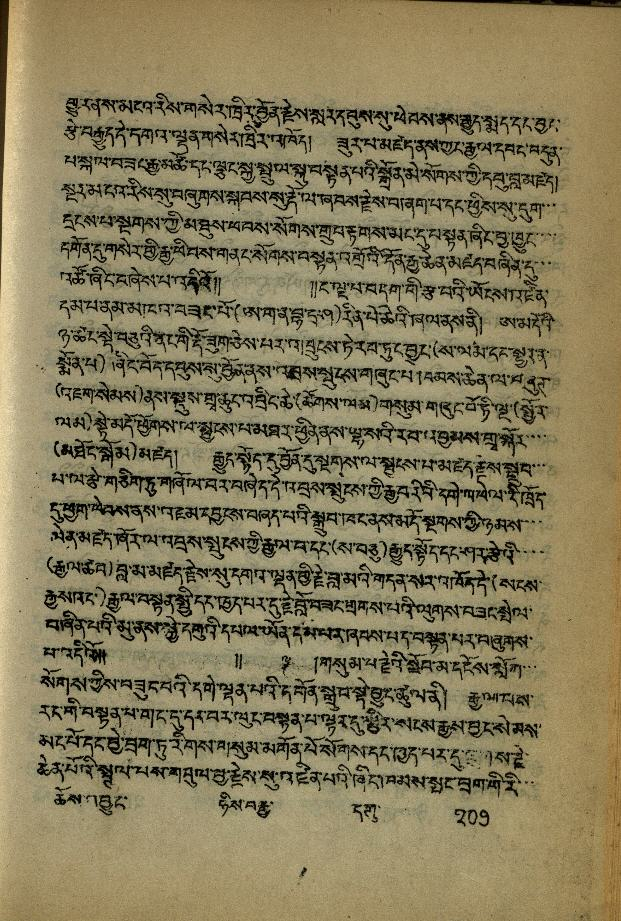གྱུར་ནས་མངའ་རིས་གསེར་ཁྲིར་བྱོན་རྗེས་སླར་དབུས་སུ་ཕེབས་ནས་རྒྱུད་སྨད་དང་བྱང་
རྩེ་བརྒྱུད་དེ་དགའ་ལྡན་གསེར་ཁྲིར་འཁོད། ཟུར་པ་མཛད་ནས་ཀྱང་རྒྱལ་དབང་བདུན་
པ་སྐལ་བཟང་རྒྱ་མཚོ་དང་ལྕང་སྐྱ་སྤྲུལ་སྐུ་བསྟན་པའི་སྒྲོན་མེ་སོགས་ཀྱི་དབུ་བླ་མཛད།
སྔར་མངའ་རིས་སུ་བཞུགས་སྐབས་སུ་རྡོ་ལ་ཞབས་རྗེས་བཞག་པ་དང་ཕྱིས་སུ་དུག་
དྲངས་པ་སྔགས་ཀྱི་མཐུས་ཕབས་སོགས་གྲུབ་རྟགས་མང་དུ་བསྟན་ཞིང་བྱ་ཁྱུང་
དགོན་དུ་གསེར་གྱི་རྒྱ་ཕིབས་གནང་སོགས་བསྟན་འགྲོའི་དོན་རྒྱ་ཆེན་མཛད་བཞིན་དུ་
འཚོ་ཞིང་བཞེས་པ་འདིའོ།། །།ང་ལྔ་པ་བདག་གི་རྩ་བའི་ཡོངས་འཛིན་
དམ་པ་ནམ་མཁའ་བཟང་པོ་ཨ་ག་ན་བྷ་དྲ་ཤ་རིན་པོ་ཆེའི་ཞལ་ནས་ནི། ཨ་མདོའི་
ཉ་ཚང་སྡེ་བཅུའི་ནང་གི་རྡོ་ཟུག་ཅེས་པར་འཁྲུངས་ཏེ་རབ་ཏུ་བྱུང་ས་ལམ་དང་སྦྱར་ན་
སྨོན་པ་ཞིང་བོད་དབུས་སུ་བྱོན་ནས་འབྲས་སྤུངས་གཞུང་པ་ཁམས་ཆེན་ལ་བཞུཊ་
འཇག་སེམས་ནས་སྡུས་གྲྭ་ཆུང་འབྲིང་ཆེ་ཚོགས་ལམ་གསུམ་གཞུང་བོ་ཏི་ལྔ་སྦྱོར་
ལམ་སྟེ་མདོ་ཕྱོགས་ལ་སྦྱངས་པ་མཐར་ཕྱིན་ནས་ལྷ་སའི་རབ་འབྱམས་གྲྭ་སྐོར་
མཐོང་སྒོམ་མཛད། རྒྱུད་སྟོད་དུ་བྱོན་དུ་སྔགས་ལ་སྦྱངས་པ་མཛད་རྗེས་སྡུབ་
པ་ལ་རྩེ་གཅིག་ཏུ་གཞོལ་བར་བཞེད་དེ་འབྲས་སྤུངས་ཀྱི་རྒྱབ་རིའི་དགེ་ལ་རི་ཁྲོད་
དུ་ཕྱག་ཕེབས་ནས་འཇམ་དབྱངས་བཞད་པའི་སྒྲུབ་ཁང་ནས་མདོ་སྔགས་ཀྱི་ཉམས་
ལེན་མཛད་ཞོར་ལ་འབྲས་སྤུངས་ཀྱི་རྒྱལ་བ་དང་ས་བཅུ་རྒྱུད་སྟོད་དང་ཤར་རྩེའི་
རྒྱལ་ཚབ་བླ་མ་མཛད་རྗེས་སུ་དགའ་ལྡན་གྱི་རྗེ་བླ་མའི་གདན་སར་འཁོད་དེ་སངས་
རྒྱསཱང་རྒྱལ་བསྟན་སྤྱི་དང་ཁྱད་པར་དུ་རྗེ་བློ་བཟང་གྲགས་པའི་ལུགས་བཟང་སྤེལ་
བཞིན་པའི་མུ་ནས་སྐྱེ་དགུའི་དཔལ་ཡོན་དམ་པར་ཞབས་པད་བསྟན་པར་བཞུགས་
པ་འདིའོ།། །། ༈ །གསུམ་པའི་རྗེའི་སློབ་མ་དངོས་སློག་
སོགས་ཀྱིས་བཟུང་བའི་དགེ་ལྡན་པའི་དགོན་སྒྲུབ་སྡེ་བྱུང་ཚུལ་ནི། རྒྱལ་བས་
རང་གི་བསྟན་པ་གང་དུ་དར་བ་རླུང་བསྟན་པ་ལྟར་དུ་སྤྱིར་སངས་རྒྱས་བྱང་སེམས་
མང་པོ་དང་བྱེ་བྲག་ཏུ་རིགས་གསུམ་མགོན་པོ་སོགས་དང་ཁྱད་པར་དུ་ཐུགས་རྗེ་
ཆེན་པོའི་སྤྲུལ་པས་གདུལ་བྱ་རྗེས་སུ་འཛིན་པ་འི་ཞིང་ཁམས་སྤང་བྲག་གི་རི་